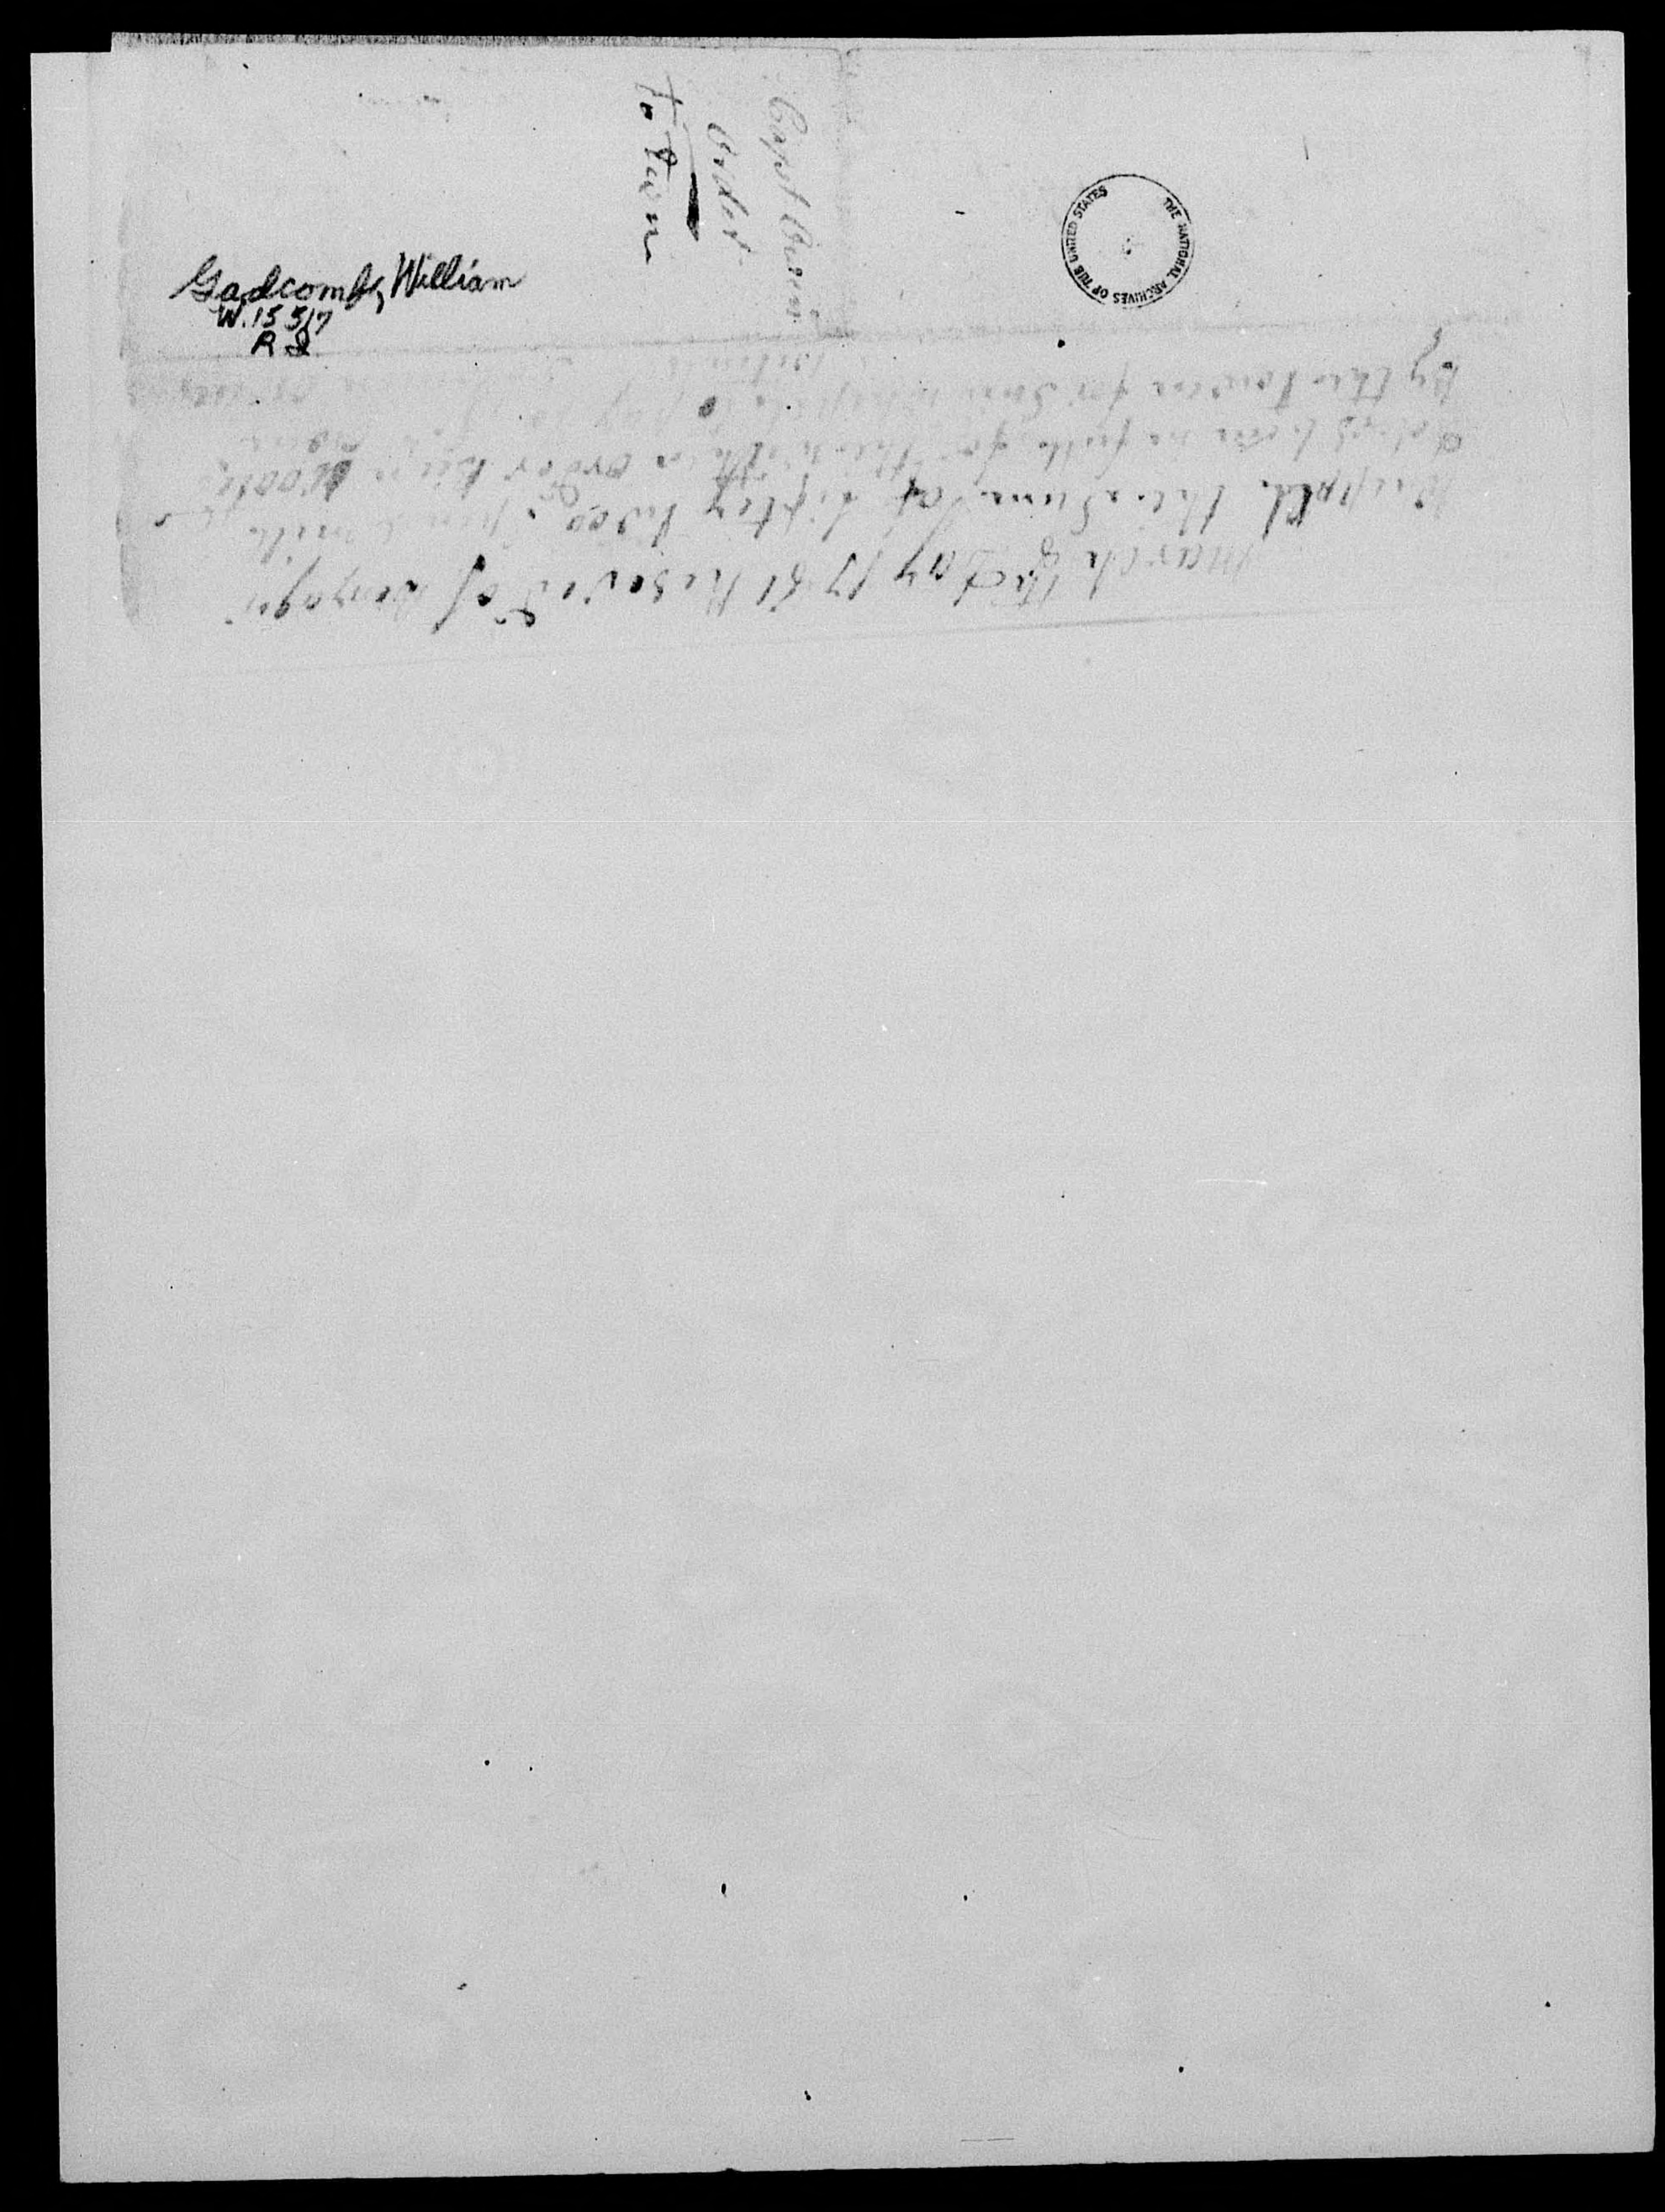Capt. Owen
Order
to [illegible]
Gadcomb, William
W.15517
R. I.
[stamp] THE NATIONAL ARCHIVES OF THE UNITED STATES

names: William Gadcomb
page: 19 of 76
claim: widow's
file: W. 15,517, William Gadcomb, R.I.